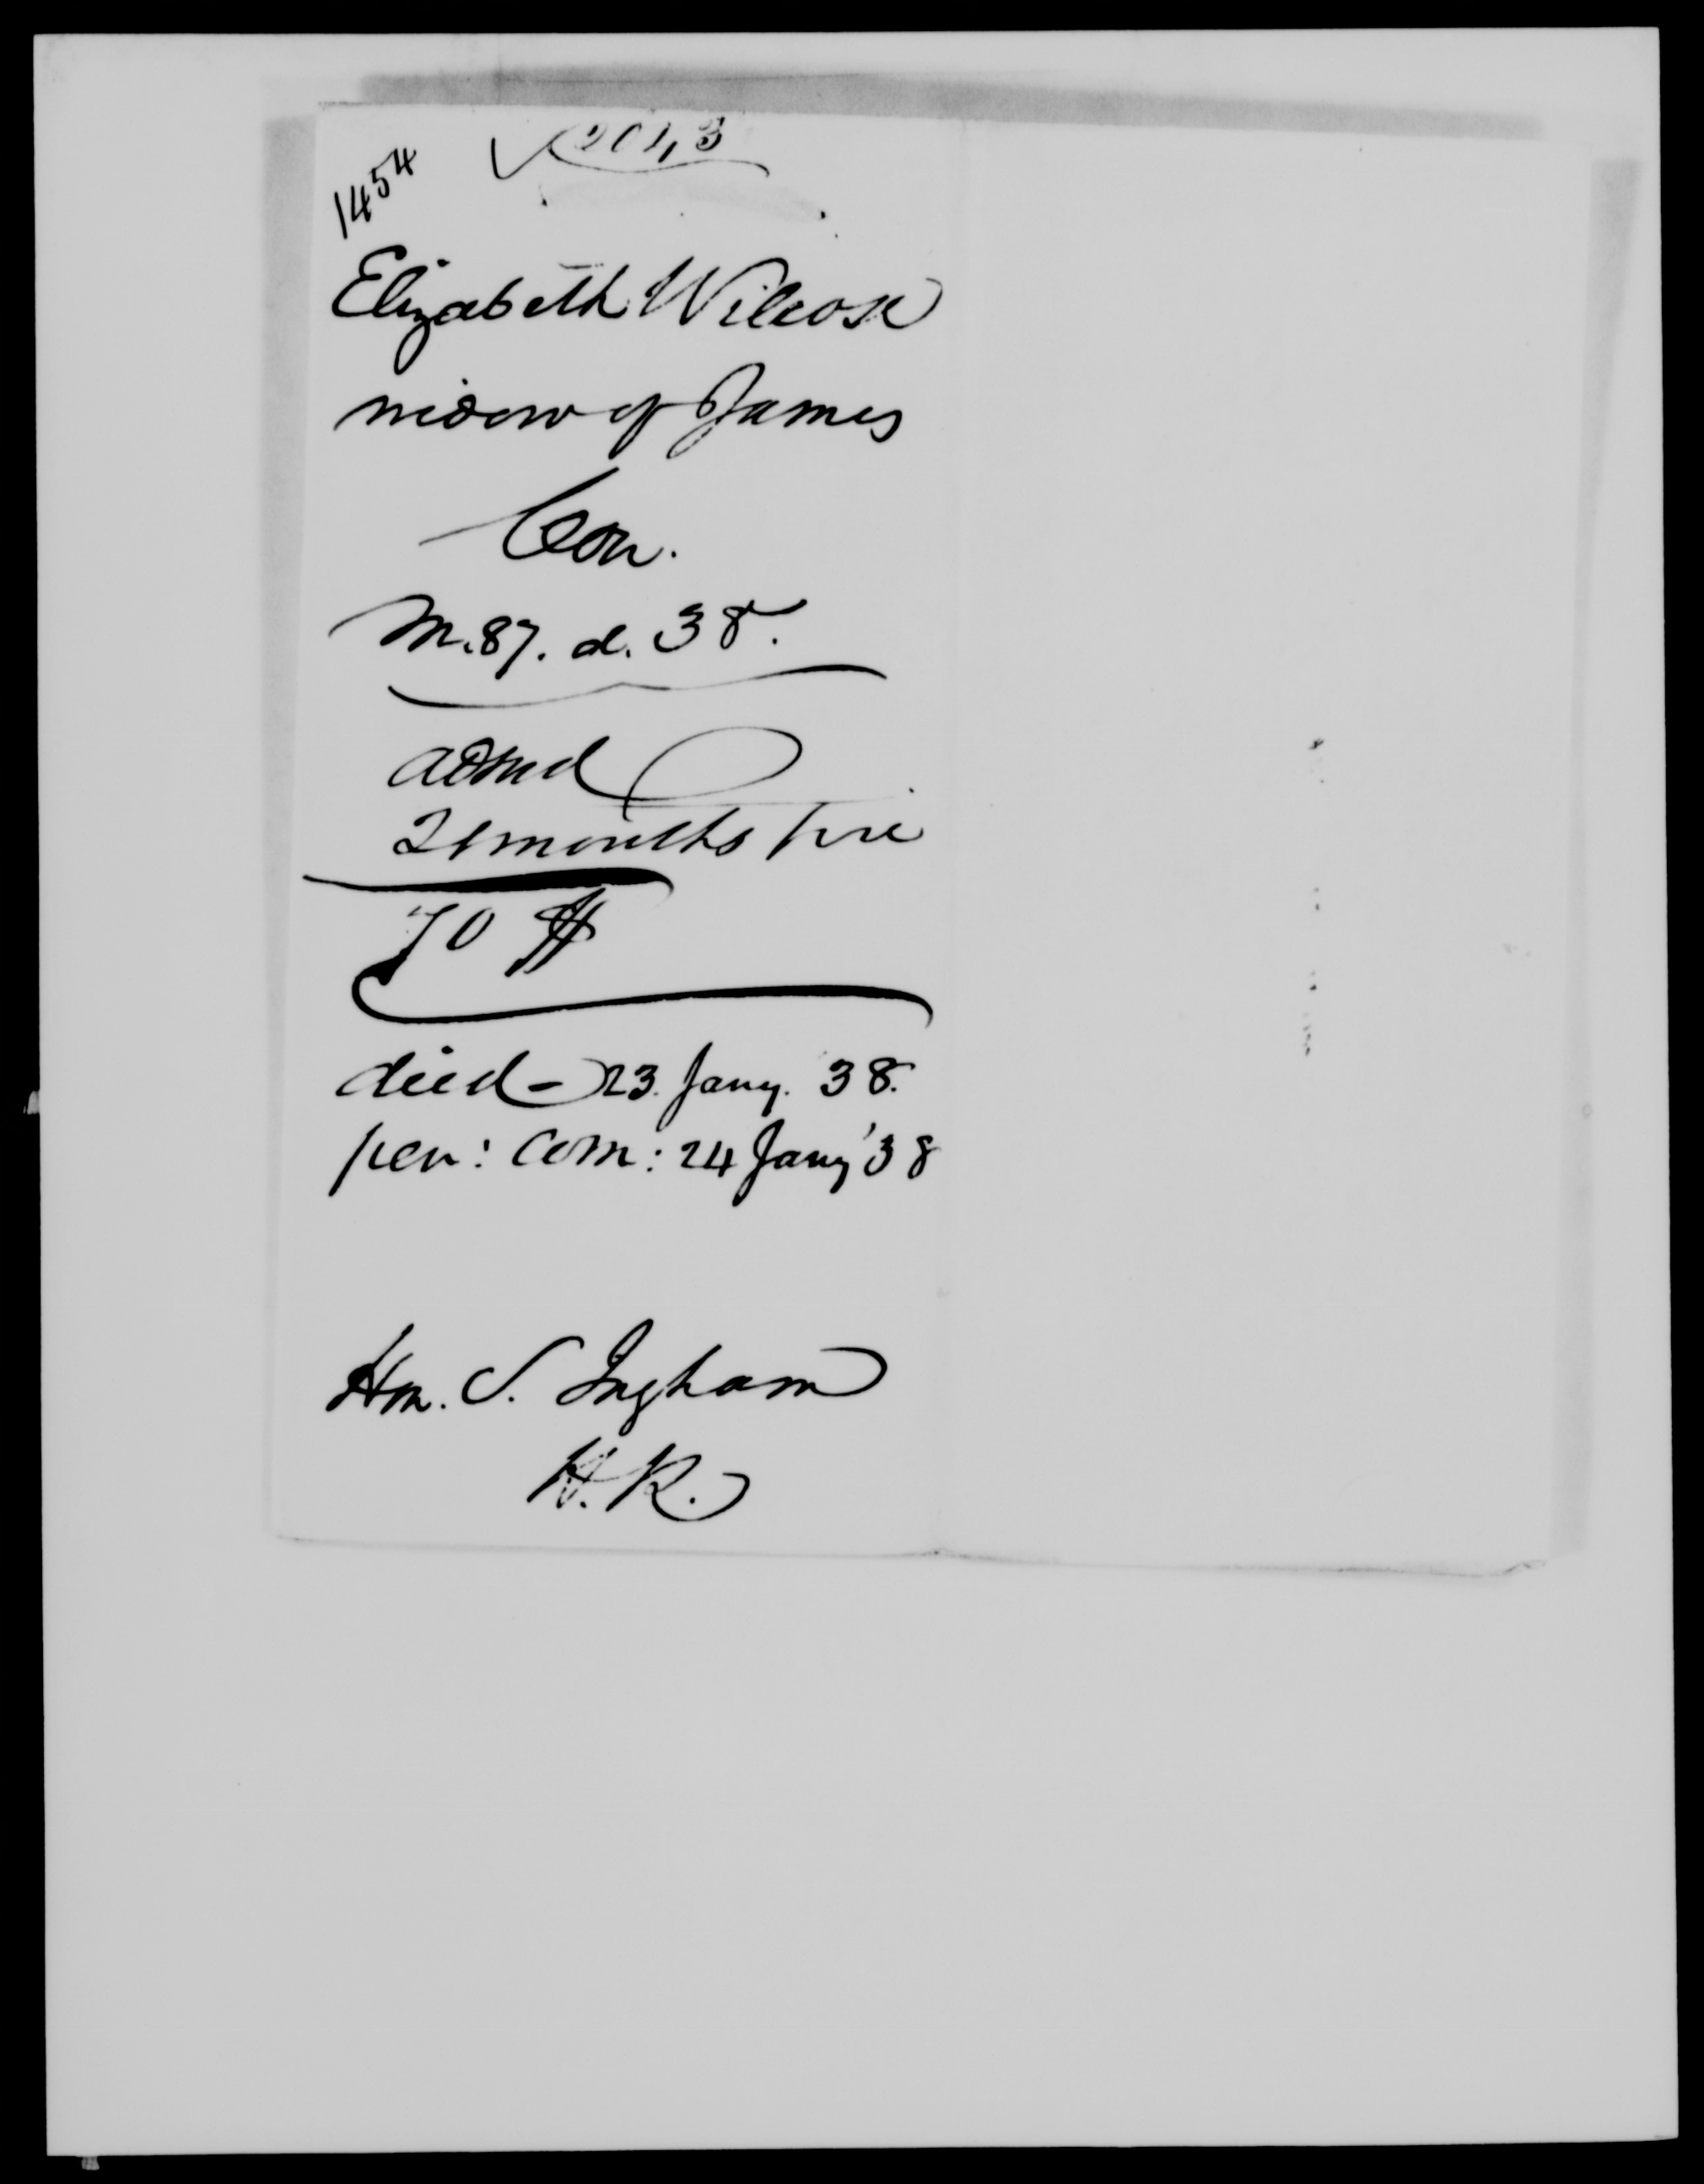2043
1454
Elizabeth Wilcox
Widow of James
Con.
M.87. D.38.
Admd
21 months pri
70$
Died—23 Jany. 38:
Pen: com: 24 Jany ‘38
Hon. S. Ingham
A.R.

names: S Ingham, Elizabeth Wilcox, James Wilcox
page: 12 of 46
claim: widow's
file: W. 18,417, James Willcox, Conn.